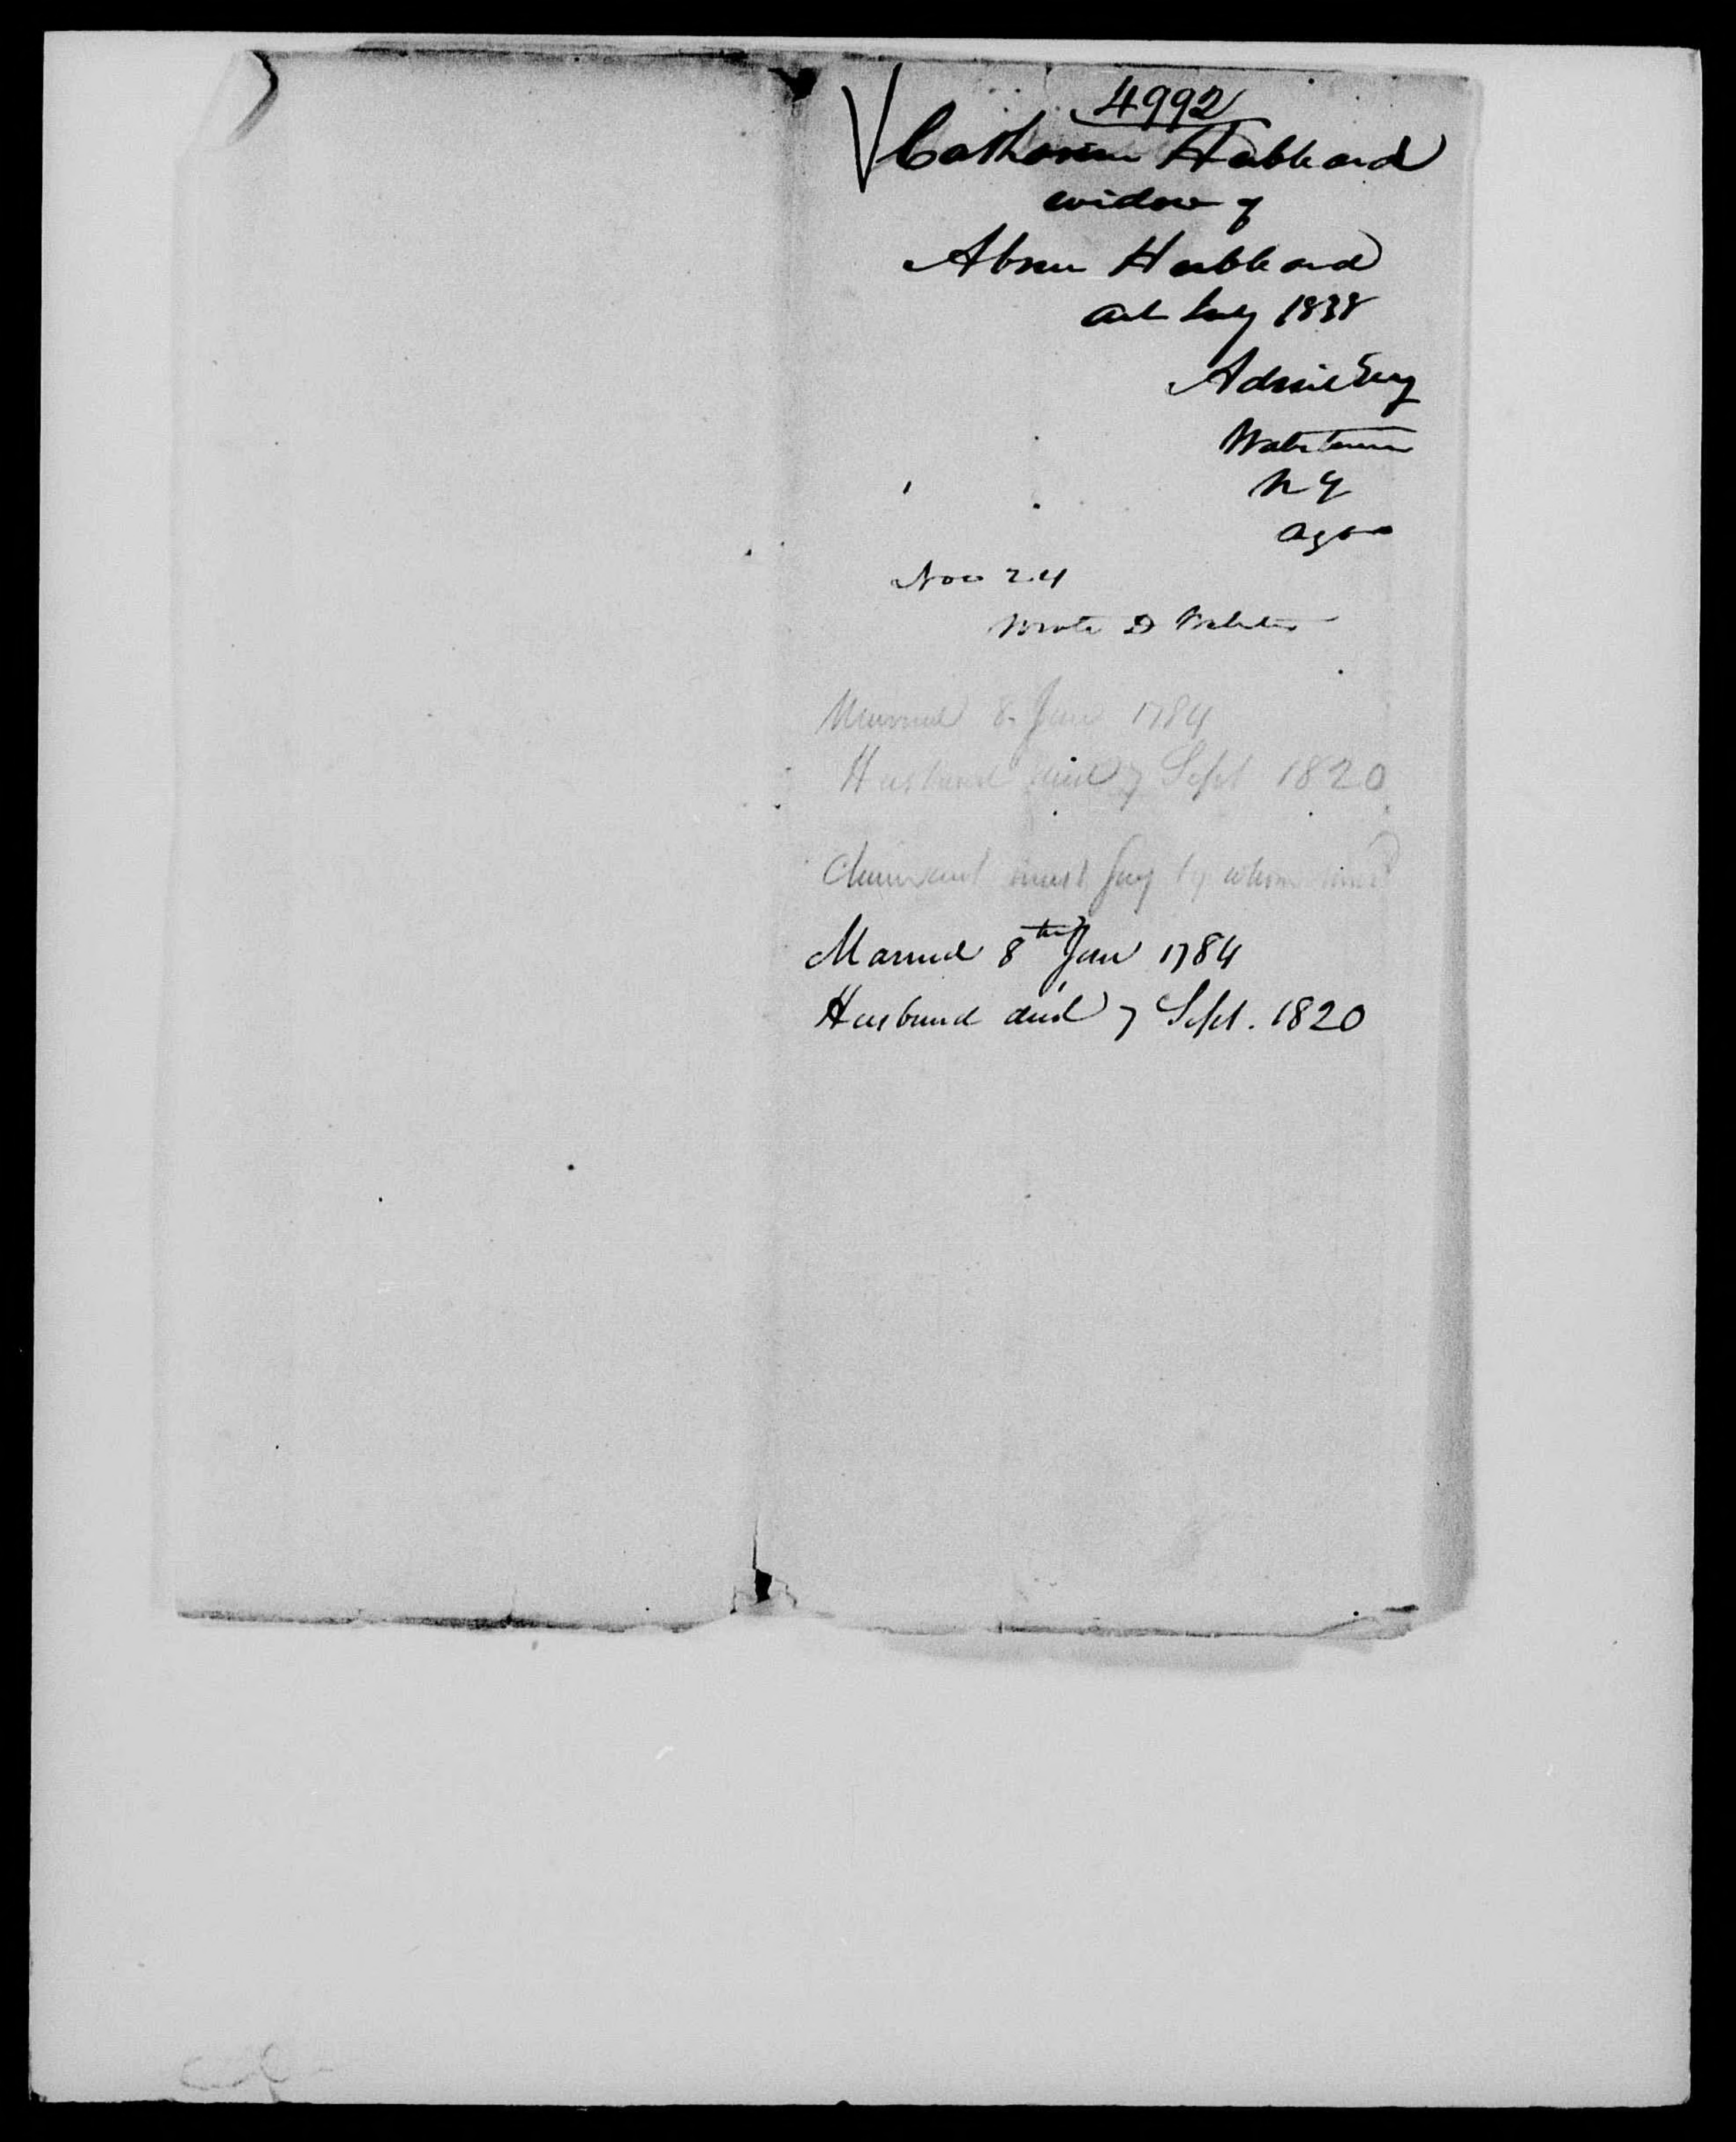4992
V Catharine Hubbard
widow of
Abner Hubbard 
[illegible] 
[illegible] 1838
[illegible]

Nov 24
[illegible]
Married 8, June 1784
Husband died 7 Sept 1820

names: Adriel Ely, Abner Hubbard, Catharine Hubbard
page: 15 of 38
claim: widow's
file: W. 23,381, Abner Hubbard, Continental Mass.